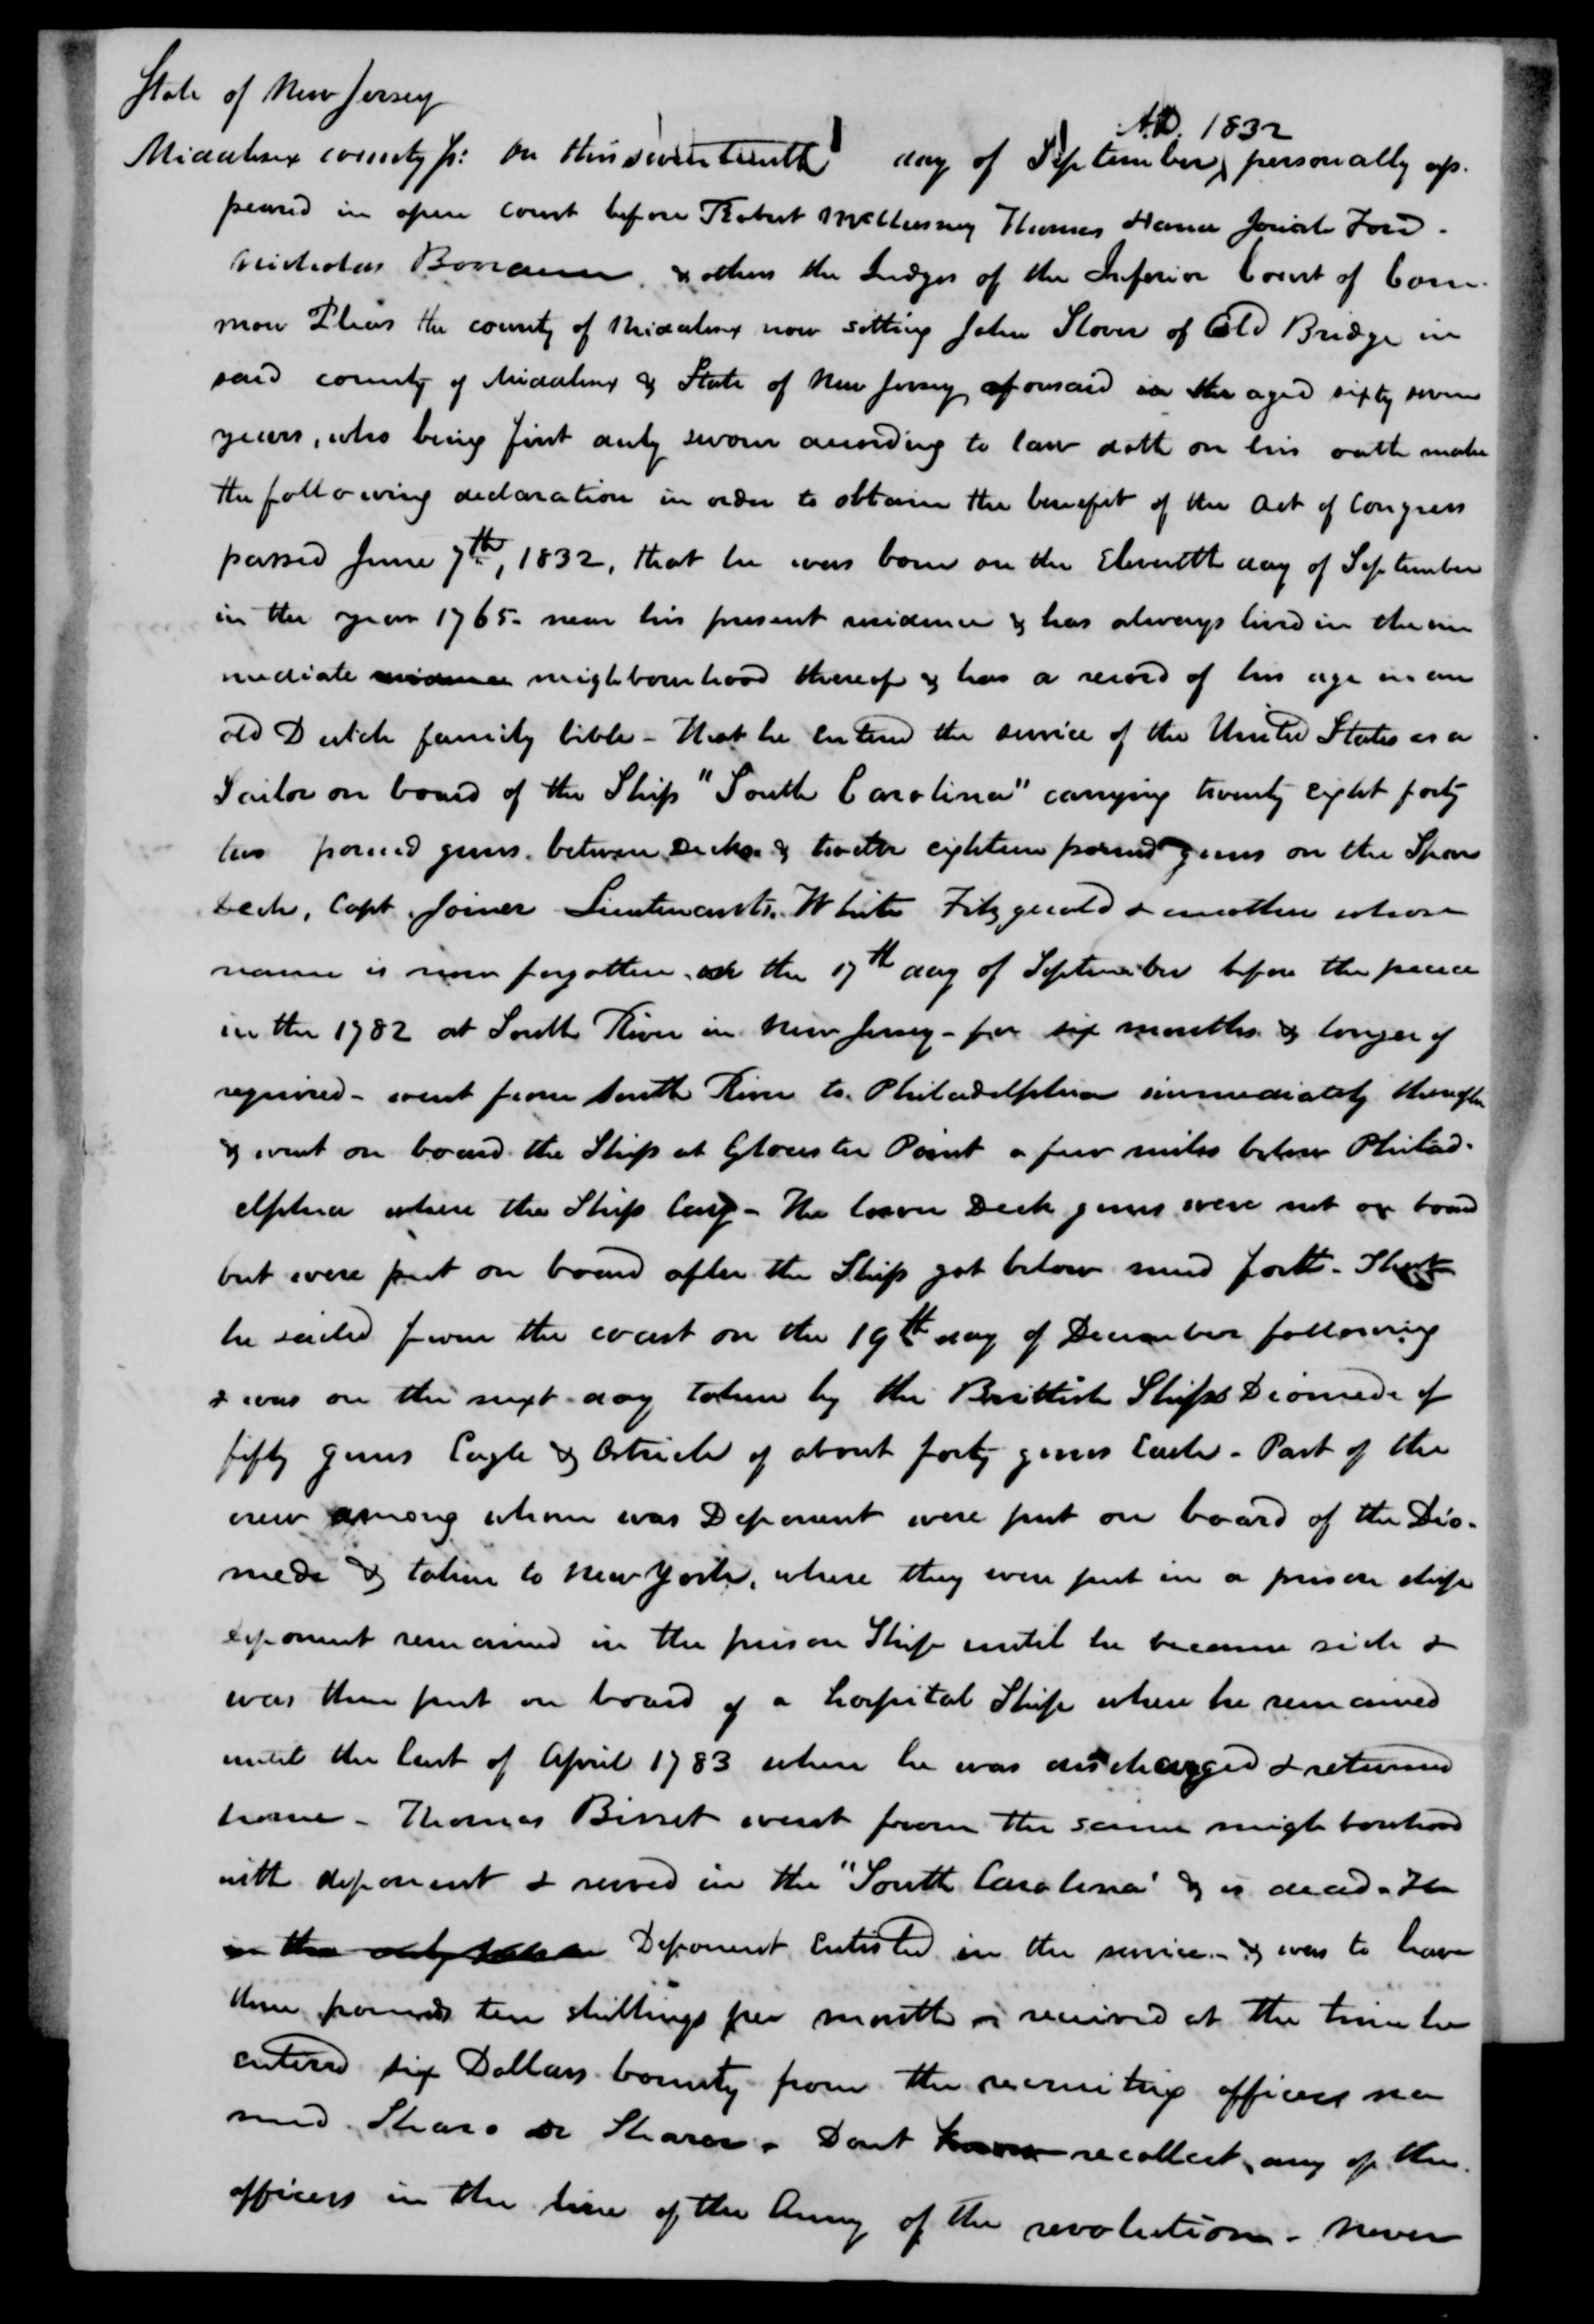State of New Jersey
Middlesex County: On this seventeenth day of September, A.D. 1832, person ally appeared in open court before Robert McClimnary {unknown} Horace Josiah Ford.
{Unknown} w others {unknown} of the Inferior Court of Common Laws the county of Middlesex now setting John Slover of Old Bridge in said county of Middlesex and State of New Jersey affirmed in this aged sixty seven years, who being first duly sworn according to law doth on his oath make the following declaration in order to obtain the benefit of this Act of Congress passed June 7th, 1832, that h was born on the Eleventh day of September in the year 1765 - near his present residence & has always lived in this immediate neighborhood thereof & has a record of his age in an old Dutch family bible - that he entered the service of this United States as a Sailor on board of the Ship "South Carolina" carrying Twenty-eight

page: 5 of 46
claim: widow's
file: W. 6205, for John Slover, New Jersey